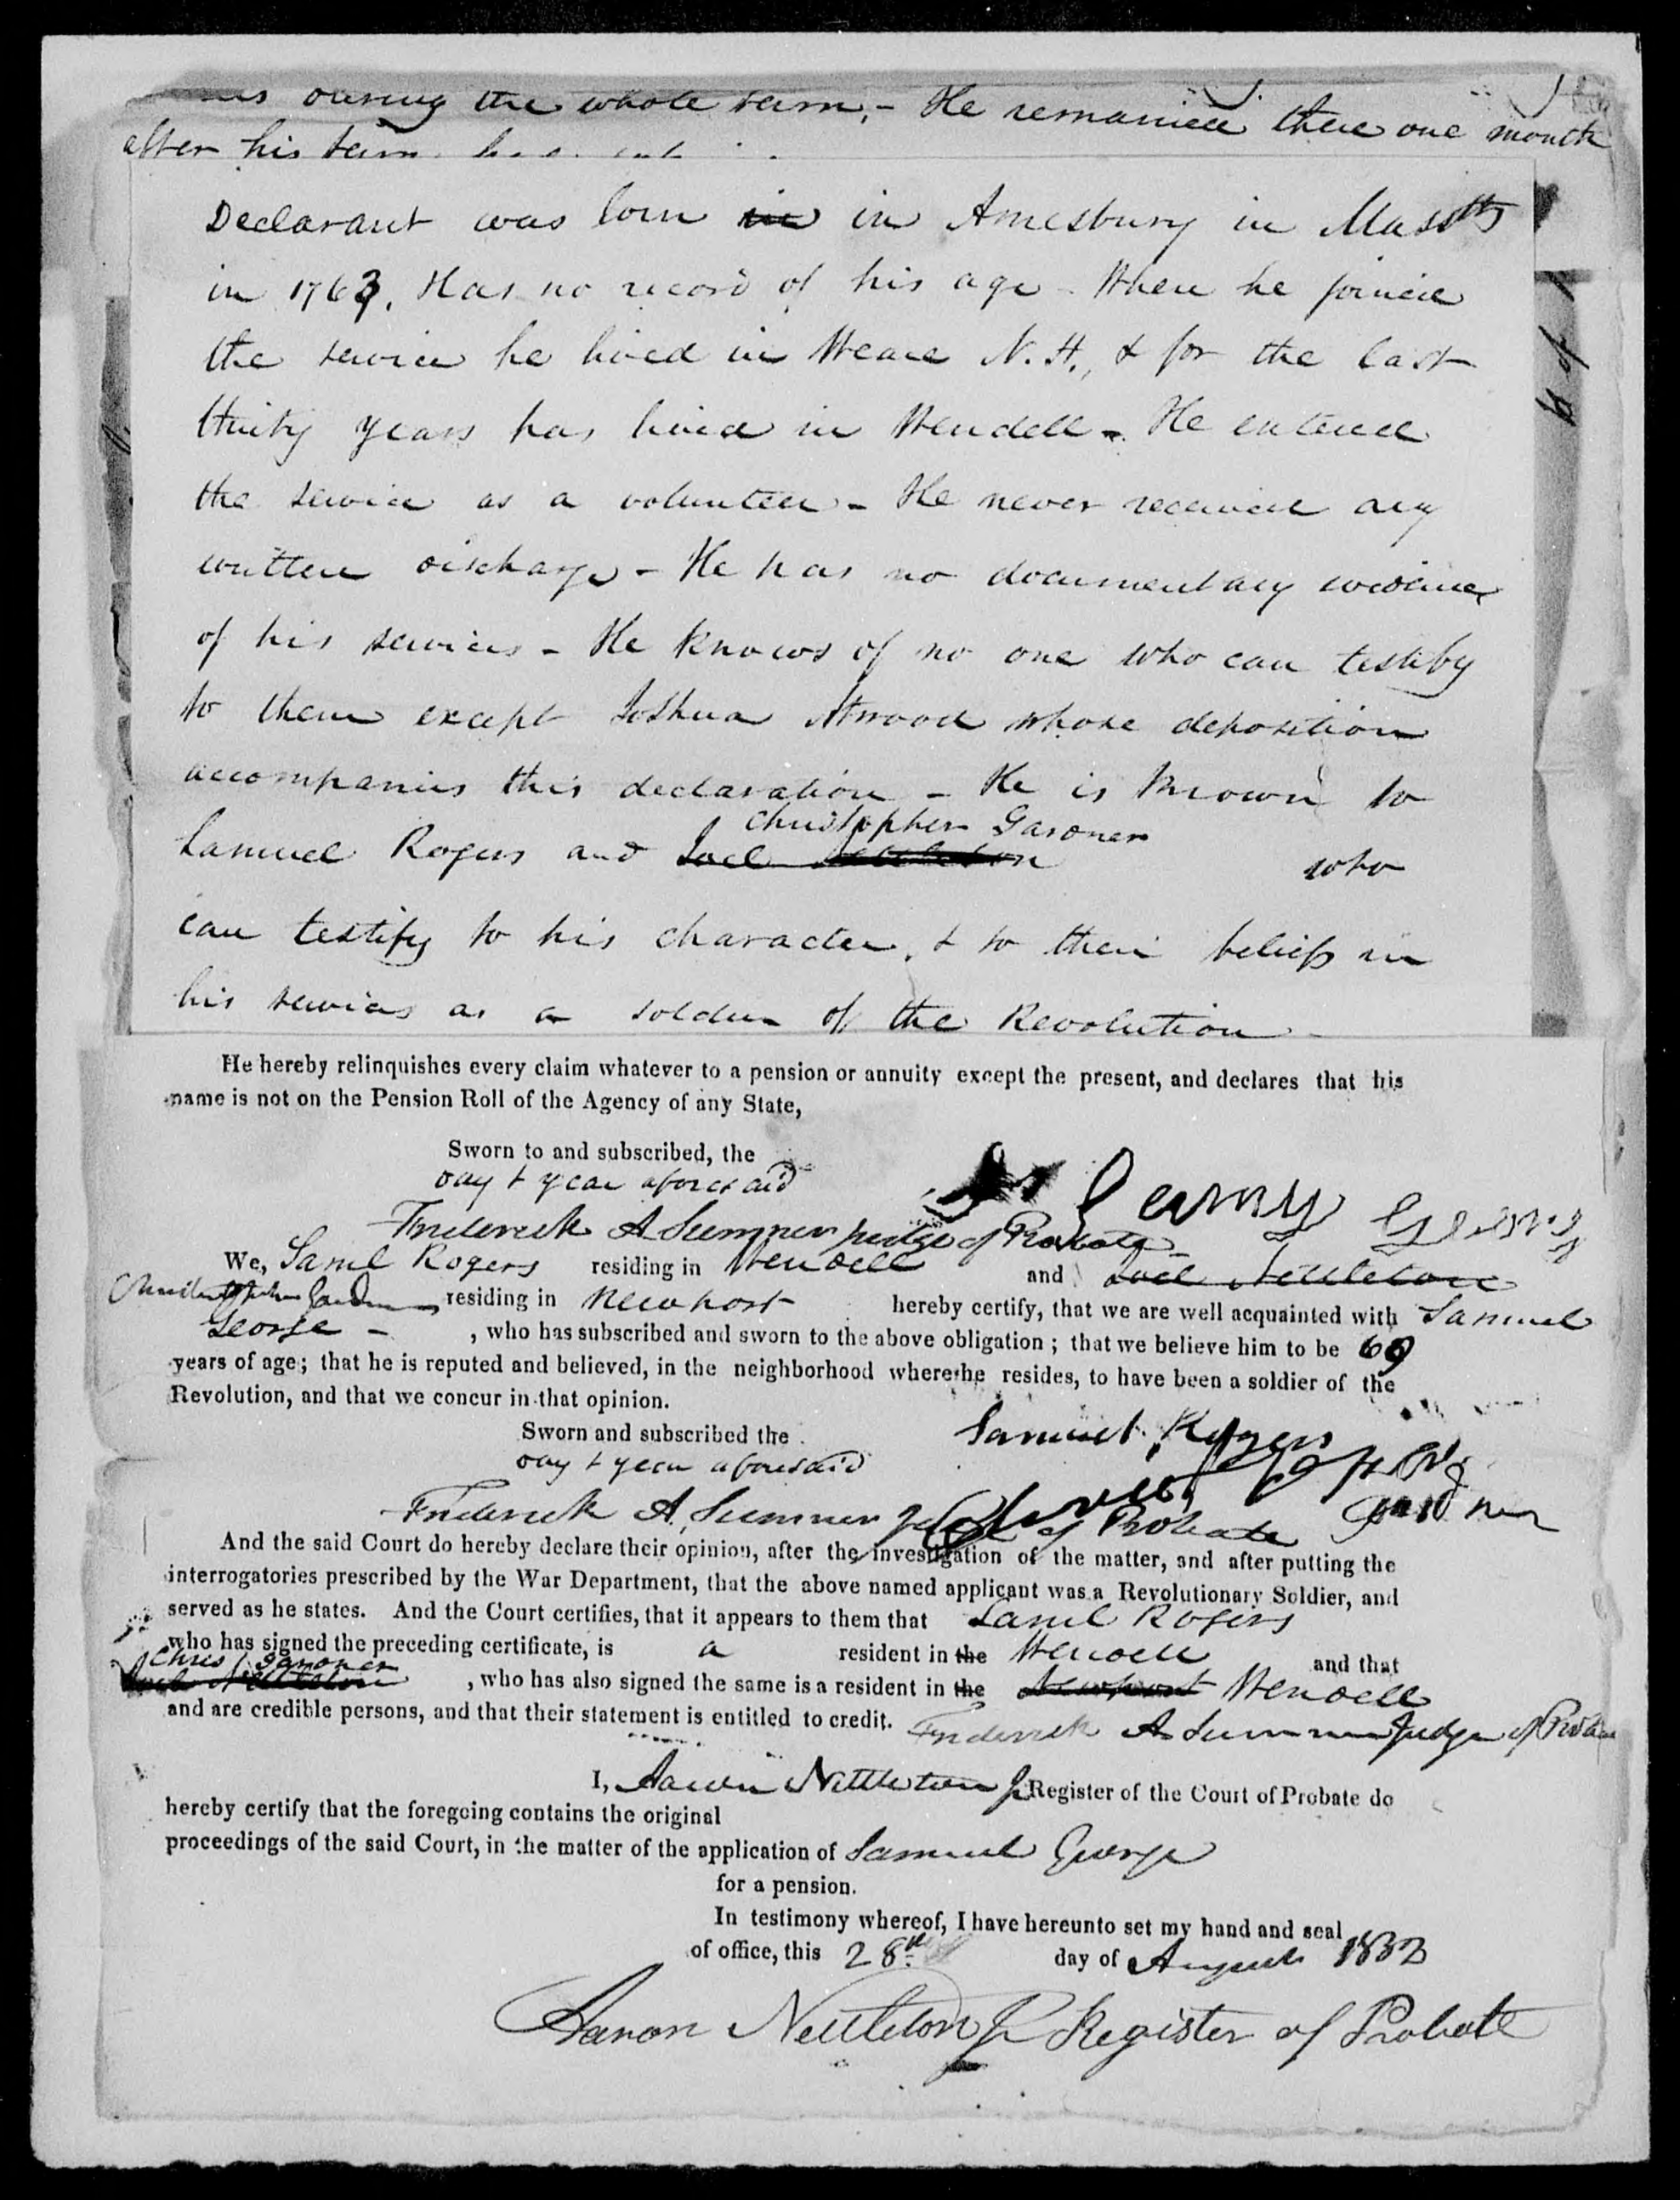Declarant was born in Amesbury in Massachusetts in 1763. Has no record of his age. Where he joined the service he lived in Weare N.H. & for the last thirty years has lived in Wendell. He entered the service as a volunteer. He never received any written discharge. He has no documentary evidence of his services. He knows of no one who can testify to them except Joshua Atwood whose deposition accompanies this declaration. He is known to Samuel Rogers and Christopher Gardner who can testify to his character & to their beliefs in his services as a soldier of the Revolution.

He hereby relinquishes every claim whatever to a pension or annuity except the present, and declares that his name is not on the Pension Roll of the Agency of any State,

Sworn to and subscribed, the day & year aforesaid

Samuel Rogers

Frederick A Sumner Judge of Probate

We, Samuel Rogers residing in Wendell and Jack [illegible and crossed out] hereby certify, that we are well acquainted with Samuel
who has subscribed and sworn to the above obligation; that we believe him to be 69
years of age; that he is reputed and believed, in the neighborhood where the resides, to have been a soldier of the Revolution, and that we concur in that opinion.

Sworn and subscribed the
day year aforesaid

Samuel Rogers
Frederick A Sumner 
Judge of Probate

And the said Court do hereby declare their opinion, after the investigation of the matter, and after putting the interrogatories prescribed by the War Department, that the above named applicant was a Revolutionary Soldier, and served as he states. And the Court certifies, that it appears to them that Samuel 
Rogers who has signed the preceding certificate, is a resident in Wendell
and that Chris Gardner, who has also signed the same is a resident in Wendell and are credible persons, and that their statement is entitled to credit. 

Frederick A. Sumner, Judge of Probate.
I, Aaron Nettleton Jr Register of the Court of Probate do hereby certify that the foregoing contains the original proceedings of the said Court, in the matter of the application of Samuel George for a pension.

In testimony whereof, I have hereunto set my hand and seal of office, this 28th day of August 1837
Aaron Nettleton Jr Register of Probate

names: Christopher Gardner, James Georg, Frederick A Sumner, Samuel Rogers, Samuel Rogers, Frederick A Sumner, Joshua Atwood, Chris Gardner, Christopher Gardner, Christentopher Gardner, Joel Nettleton, Saml Rogers, Samuel George, Samuel George, Aaron Nettleton, Saml Rogers, Frederick A Sumner, Aaron Nettleton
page: 5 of 19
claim: survivor's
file: S. 15140, Samuel George, N.H.